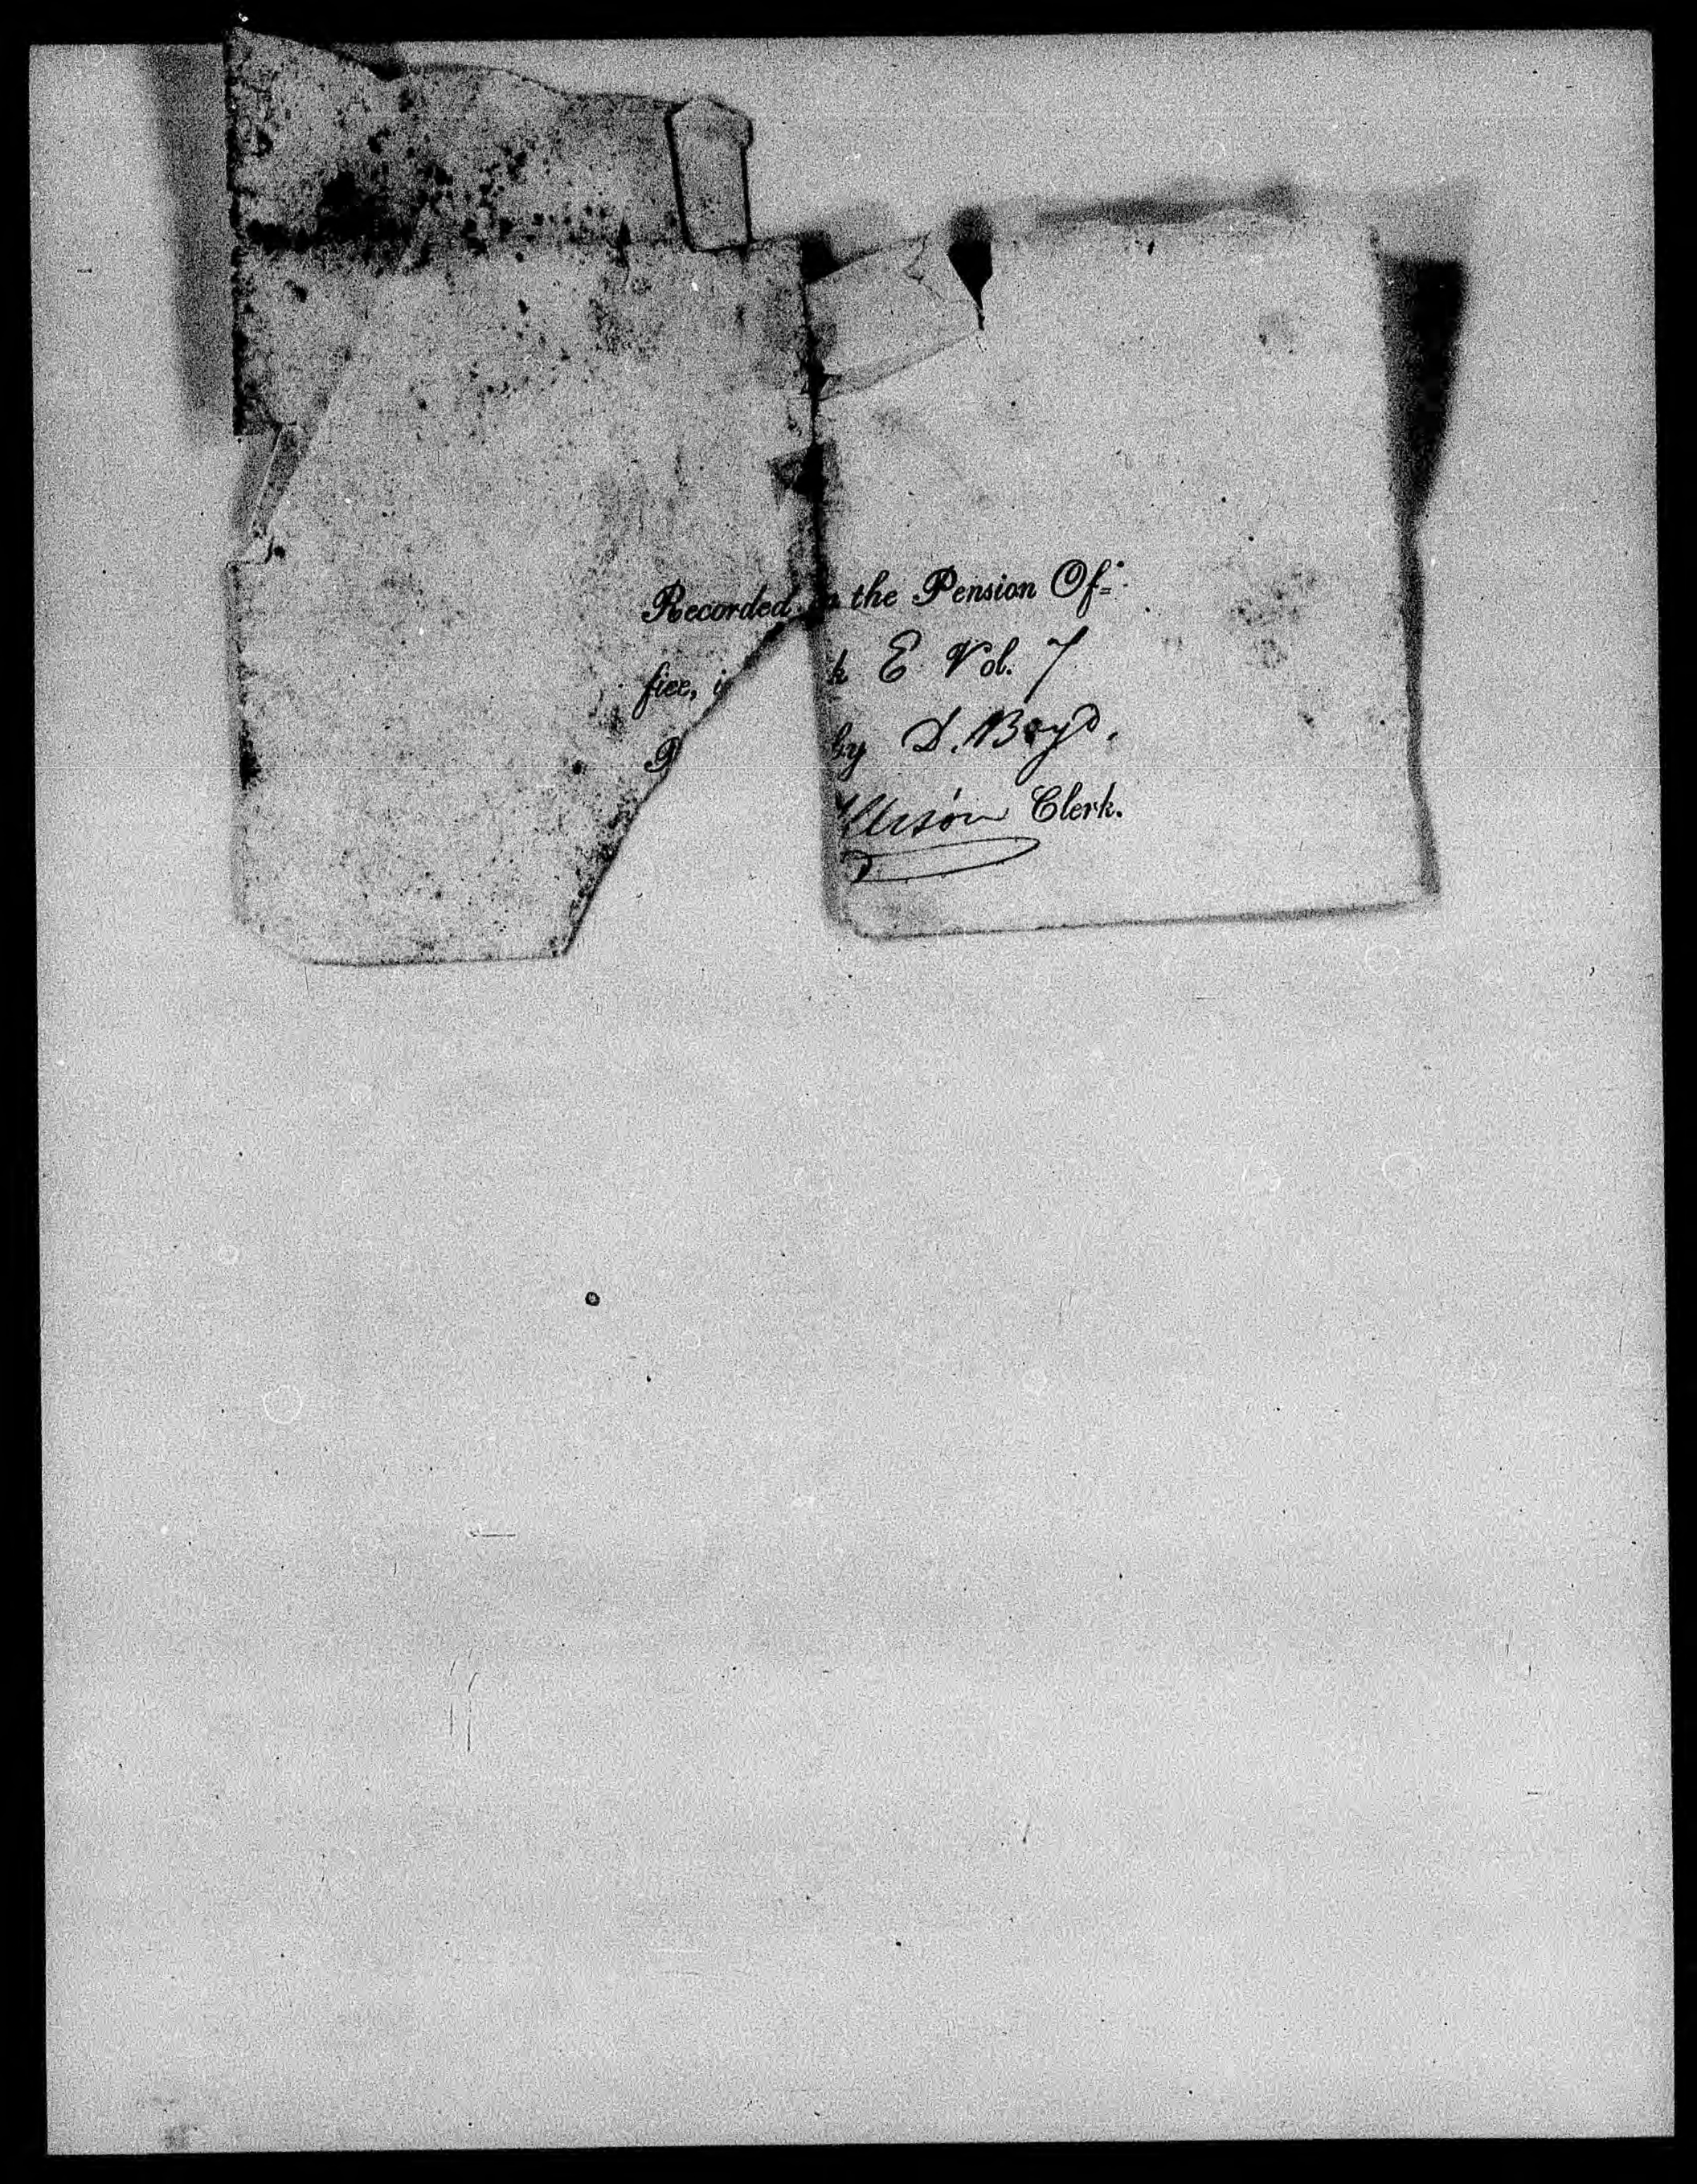[ torn page]

Recorded in the Pension Of=
fice          k E Vol. 7
R.              by D. Boyd,
                   Ellison  Clerk.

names: [BLANK] Ellison; D Boyd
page: 35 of 115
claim: widow's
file: W. 1446, for John Mc Clung, South Carolina